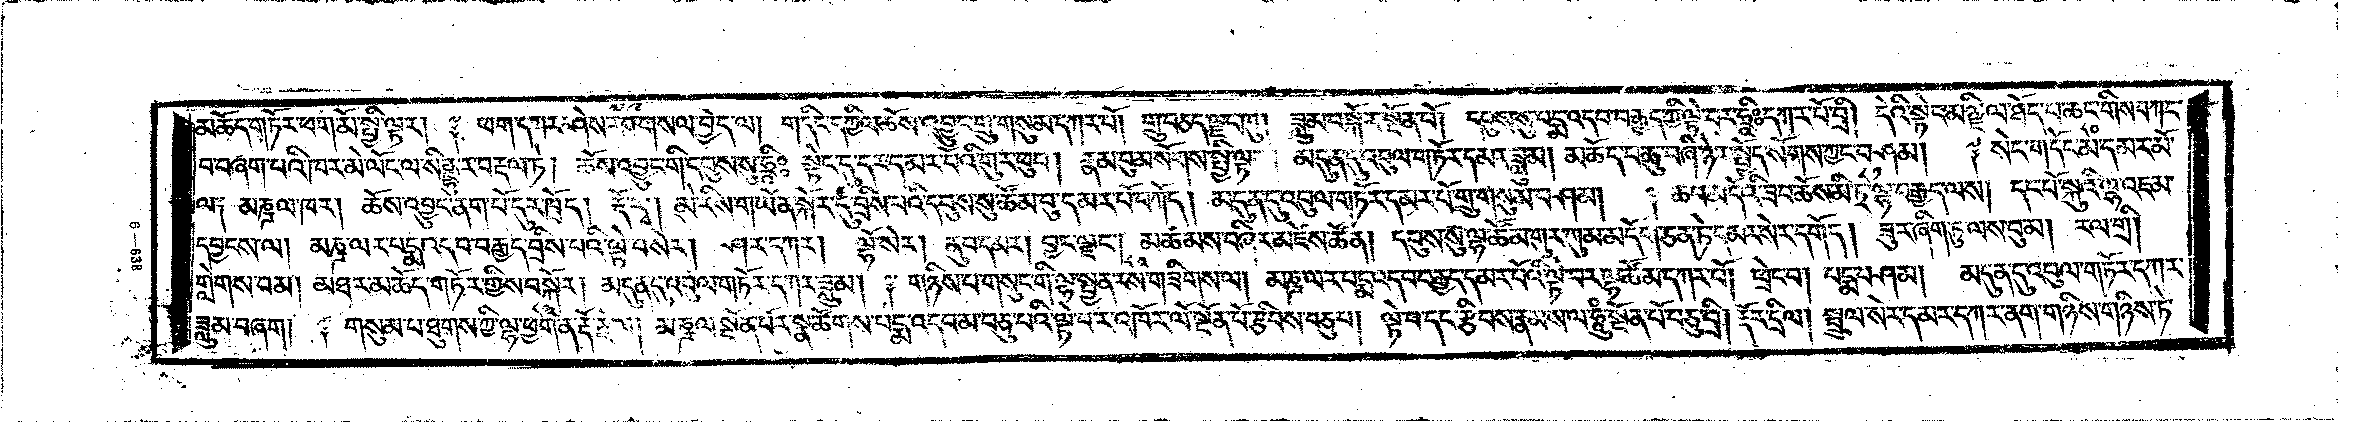མཆོད་གཏོར་ཕག་མོ་སྤྱི་ལྟར། ༈ ཕག་དཀར་ཤེས་རབ་གསལ་བྱེད་ལ། གདིང་དཀྱིལ་ཆོས་འབྱུང་གྲུ་གསུམ་དཀར་པོ། གྲུ་བཅད་ལྗང་ཁུ། ཟླུམ་བསྐོར་སྔོན་པོ། དབུས་སུ་པདམ་འདབ་བརྒྱད་ཀྱི་ལྟེ་བར་ཧྲཱིཿ དཀར་པོ་བྲི། དེའི་སྟེང་མཉྫི་ལ་ཐོད་པ་ཆང་གིས་བཀང་
བ་བཞག་པའི་ཁར་མེ་ལོང་ལ་སིནྡྷུ་ར་བརྡལ་ཏེ། ཆོས་འབྱུང་གི་དབུས་སུ་ཧྲཱིཿསྟེང་དུ་དར་དམར་པོའི་གུར་ཕུབ། རྣམ་བུམ་སོགས་སྤྱི་ལྟར། མདུན་དུ་འབུལ་གཏོར་དམར་ཟླུམ། མཆོད་པ་ཆུ་བཞི་ཉེར་སྤྱོད་སོགས་ཀྱང་བཤམ། ༈ སེང་གདོད་མ་དམར་མོ་
ལ༑ མཎྜལ་ཁར། ཆོས་འབྱུང་ནག་པོ་དུར་ཁྲོད། རྡོ་རྭ། མེ་རིས་གཡོན་སྐོར་དུ་བྲིས་པའི་དབུས་སུ་ཚོམ་བུ་དར་པོ་བཀོད། མདུན་དུ་འབུལ་གཏོར་དམར་པོ་གྲུ་གསུམ་བཤམ། ༈ ཆབ་མདོའི་ཟབ་ཆོས་མི་ཏྲ་ལྷ་བརྒྱད་ལས། དང་པོ་སྐུའི་ལྷ་འཇམ་
དབྱངས་ལ། མཎྜ་ལར་པདམ་འདབ་བརྒྱད་བྲིས་པའི་ལྟེ་བ་སེར། ཤར་དཀར། ལྷོ་སེར། ནུབ་དམར། བྱང་ལྗང་། མཚམས་བཞིར་མཛེས་ཚོན། དབུས་སུ་ལྷ་ཚོམ་གུར་ཀུམ་མདོག་ཅན་ཏེ་དམར་སེར་དགོད། ཟུར་ཞིག་ཏུ་ལས་བུམ། རལ་གྲི།
གླེགས་བམ། མཐར་མཆོད་གཏོར་གྱིས་བསྐོར། མདུན་དུ་འབུལ་གཏོར་དཀར་ཟླུམ། ༈ གཉིས་པ་གསུང་གི་ལྷ་སྤྱན་རས་གཟིགས་ལ། མཎྜ་ལར་པདམ་འདབ་བརྒྱད་དམར་པོའི་ལྟེ་བར་ལྷ་ཚོམ་དཀར་བོ། ཕྲེང་བ། པདམ་བཤམ། མདུན་དུ་འབུལ་གཏོར་དཀར་
ཟླུམ་བཞག། ༈ གསུམ་པ་ཐུགས་ཀྱི་ལྷ་ཕྱག་ན་རྡོ་རྗེ་ལ། མཎྜལ་སྔོན་པོ་སྣ་ཚོགས་པདམ་འདབ་མ་བཅུ་པའི་ལྟེ་བར་འཁོར་ལོ་སྔོན་པོ་རྩིབས་བཅུ་པ། ལྟེ་བ་དང་རྩིབས་རྣམས་ལ་ཧཱུཾ་སྔོན་པོ་བཅུ་བྲི། རྡོར་དྲིལ། སྦྲུལ་སེར་དམར་དཀར་ནག་གཉིས་གཉིས་ཏེ་